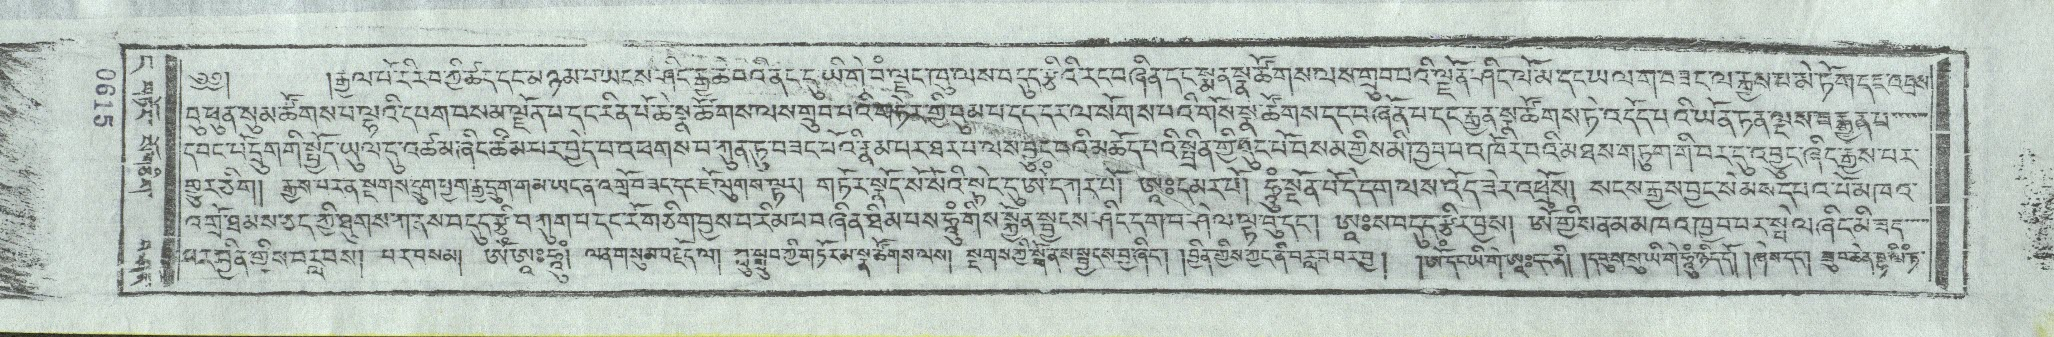༄༅། །རྒྱལ་པོ་རི་རབ་ཀྱི་ཚད་དང་མཉམ་པ་ཡངས་ཤིང་རྒྱ་ཆེ་བའི་ནང་དུ་ཡི་གེ་བཾ་ལྗང་ཁུ་ལས་བདུད་རྩིའི་རང་བཞིན་དང་སྨན་སྣ་ཚོགས་ལས་གྲུབ་པའི་ལྗོན་ཤིང་ལོ་མ་དང་ཡལ་ག་བཟང་ལ་རྒྱས་པ་མེ་ཏོག་དང་འབྲས་
བུ་ཕུན་སུམ་ཚོགས་པ་ལྷའི་དཔག་བསམ་ལྗོན་པ་དང་རིན་པོ་ཆེ་སྣ་ཚོགས་ལས་གྲུབ་པའི་གཏེར་གྱི་བུམ་པ་དང་དར་ལ་སོགས་པའི་གོས་སྣ་ཚོགས་དང་བཞོན་པ་དང་རྒྱན་སྣ་ཚོགས་ཏེ་འདོད་པའི་ཡོན་ཏན་ལྔས་བརྒྱན་པ་
དབང་པོ་དྲུག་གི་སྤྱོད་ཡུལ་དུ་འཚམ་ཞིང་ཚིམ་པར་བྱེད་པ་འཕགས་པ་ཀུན་ཏུ་བཟང་པོའི་རྣམ་པར་ཐར་པ་ལས་བྱུང་བའི་མཆོད་པའི་སྤྲིན་གྱི་ཞུང་པོ་བསམ་གྱིས་མི་ཁྱབ་པ་འཁོར་བའི་མཐས་གཏུག་གི་བར་དུ་འབྱུང་ཞིང་རྒྱས་པར་
གྱུར་ཅིག། རྒྱས་པར་ན་སྔགས་དྲུག་ཕྱག་རྒྱ་དྲུག་གམ་ཡང་ན་འགྲོ་བཟང་དང་ཇོ་ལུགས་ལྟར། གཏོར་སྣོད་སོ་སོའི་སྟེང་དུ་ཨོཾ་དཀར་པོ། ཨཱཿ དམར་པོ། ཧཱུཾ་སྔོན་པོ་དེ་དག་ལས་འོད་ཟེར་འཕྲོས། སངས་རྒྱས་བྱང་སེམས་དཔའ་པོ་མཁའ་
འགྲོ་ཐམས་ཅད་ཀྱི་ཐུགས་ཀ་ནས་བདུད་རྩི་བཀུག་པ་དང་རོ་གཅིག་བྱས་པ་རིམ་པ་བཞིན་ཐིམ་པས་ཧཱུཾ་གིས་སྐྱོན་སྦྱངས་ཤིང་དག་པ་ཤེལ་ལྟ་བུ་དང་། ཨཱཿ ས་བདུད་རྩིར་བྱས། ཨོཾ་གྱིས་ནམ་མཁའ་ཁྱབ་པར་སྤེལ་ཞིང་མི་ཟད་
པར་བྱིན་གྱིས་བརླབས། པར་བསམ། ཨོཾ་ཨཱཿ ཧཱུཾ། ལན་གསུམ་བརྗོད་ལ། ཀླུ་སྒྲུབ་ཀྱི་གཏོར་མ་སྣ་ཚོགས་ལས། སྔགས་ཀྱི་སྒོ་ནས་སྦྱངས་བྱ་ཞིང་། །བྱིན་གྱིས་ཀྱང་ནི་བརླབ་པར་བྱ། །ཨོཾ་དང་ཡི་གེ་ཨཱཿ དང་ནི། །དབུས་སུ་ཡི་གེ་ཧཱུཾ་ཉིད་དོ། །ཞེས་དང་། གྲུབ་ཆེན་བྷ་ལིཾ་ཏ་